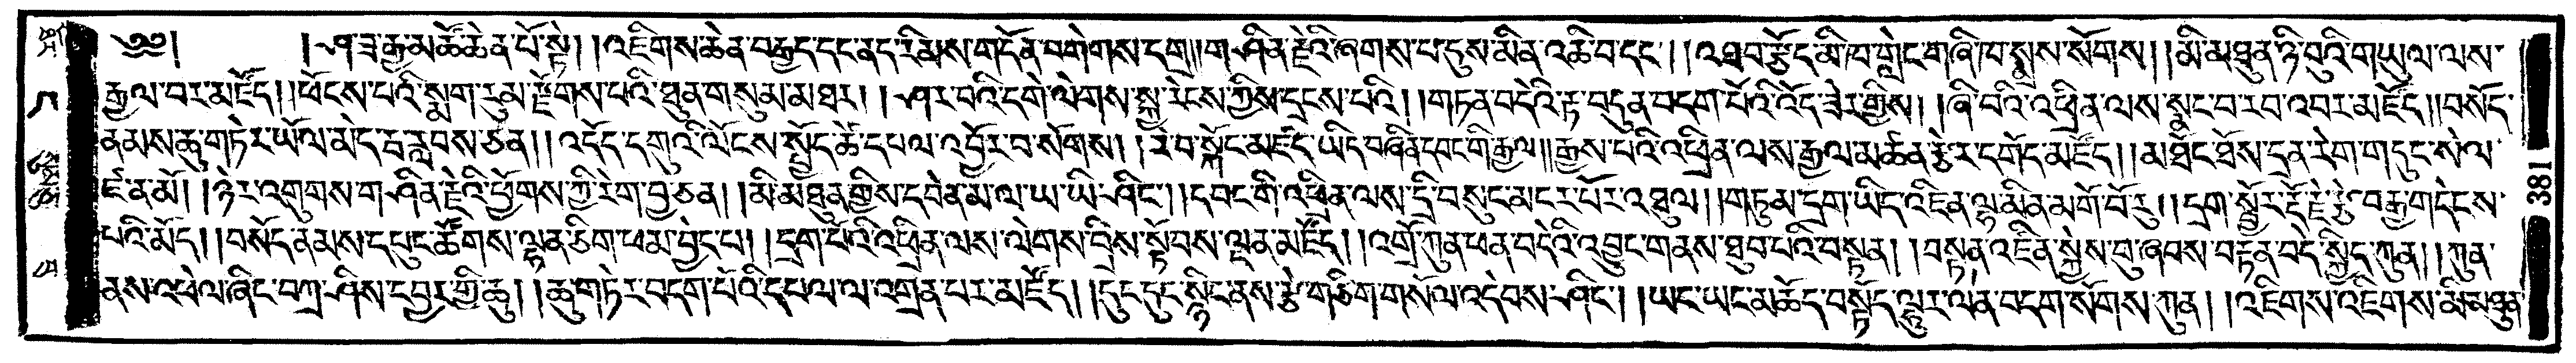༄༅། །ཤ་ཟ་རྒྱ་མཚོ་ཆེན་པོ་སྟེ། །འཇིགས་ཆེན་བརྒྱད་དང་ནད་རིམས་གདོན་བགེགས་དགྲ་།གཤིན་རྗེའི་ཞགས་པ་དུས་མིན་འཆི་བ་དང་། །འཐབ་རྩོད་མི་ཁ་གླེང་གཞི་ཁ་སྨྲས་སོགས། །མི་མཐུན་ཉི་བུའི་གཡུལ་ལས་
རྒྱལ་བར་མཛོད། །ཕོངས་པའི་སྨག་རུམ་རྫོགས་པའི་ཐུན་གསུམ་མཐར། །ཤར་བའི་དགེ་ལེགས་སྐྱ་རེངས་ཀྱིས་དྲངས་པའི། །གཏན་བདེའི་རྟ་བདུན་བདག་པོའི་འོད་ཟེར་གྱིས། །ཞི་བའི་འཕྲིན་ལས་སྣང་བ་རབ་འབར་མཛོད། །བསོད་
ནམས་ཆུ་གཏེར་ཡོལ་མེད་རྦ་རླབས་ཅན། །འདོད་དགུའི་ལོངས་སྤྱོད་ཚེ་དཔལ་འབྱོར་བ་སོགས། །རེ་བ་སྐོང་མཛད་ཡིད་བཞིན་དབང་གི་རྒྱལ། །རྒྱས་པའི་འཕྲིན་ལས་རྒྱལ་མཚན་རྩེར་དགོད་མཛོད། །མཐོང་ཐོས་དྲན་རེག་གདུང་སེལ་
ཛ་ན་མོ། །ཉེར་འགུགས་གཤིན་རྗེའི་ཕྱོགས་ཀྱི་རེག་བྱ་ཅན། །མི་མཐུན་གྱིས་དབེན་མ་ལ་ཡ་ཡི་ཤིང་། །དབང་གི་འཕྲིན་ལས་དྲི་བསུང་མངར་པོར་འཐུལ། །གཏུམ་དྲག་ཡིད་འཇིན་ལྷ་མིན་མགོ་བོ་རུ། །དྲག་སྦྱོར་རྡོ་རྗེ་རྩེ་བརྒྱ་གདེངས་
པའི་མོད། །བསོད་ནམས་དཔུང་ཚོགས་ལྷན་ཅིག་ཕམ་བྱེད་པ། །དྲག་པོའི་འཕྲིན་ལས་ལེགས་བྲིས་སྟོབས་ལྡན་མཛོད། །འགྲོ་ཀུན་ཕན་བདེའི་འབྱུང་གནས་ཐུབ་པའི་བསྟན། །བསྟན་འཛིན་སྐྱེས་བུ་ཞབས་བརྟན་བདེ་སྐྱིད་ཀུན། །ཀུན་
ནས་འཕེལ་ཞིང་བཀྲ་ཤིས་དབྱར་གྱི་ཆུ། །ཆུ་གཏེར་བདག་པོའི་དཔལ་ལ་འགྲན་པར་མཛོད། །དུང་དུང་སྙིང་ནས་རྩེ་གཅིག་གསོལ་འདེབས་ཤིང་། །ཡང་ཡང་མཆོད་བསྟོད་ལྷུར་ལེན་བདག་སོགས་ཀུན། །འཇིགས་འཇིགས་མི་མཐུན་